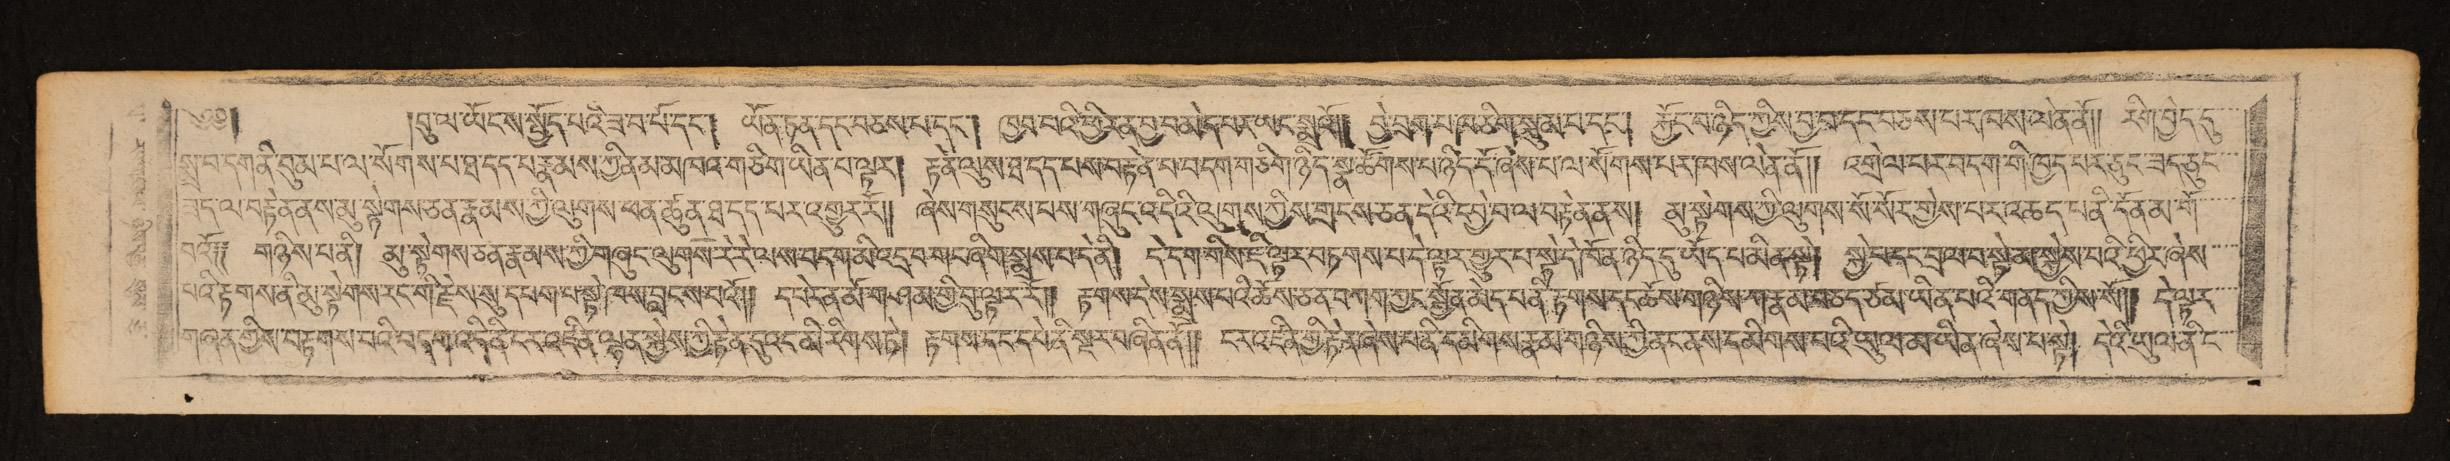༄༅། །བུ་ལ་ཡོངས་སྤྱོད་པའི་ཟབ་པོ་དང་། ཡོན་ཏན་དང་བཅས་པ་དང་། ཁྱབ་པའི་ཕྱིར་ན་བྱ་བ་མེད་པར་ཡང་སྨྲའོ།། བྱེ་བྲག་པ་ཁ་ཅིག་སྐུམ་པ་དང་། རྐྱོང་བ་ཉིད་ཀྱིས་བྱ་བ་དང་བཅས་པར་ཁས་ལེན་ནོ།། རིག་བྱེད་དུ་
སྨྲ་བ་དག་ནི་བུམ་པ་ལ་སོགས་པ་ཐ་དད་པ་རྣམས་ཀྱི་ནམ་མཁའ་གཅིག་ཡིན་པ་ལྟར། རྟེན་ལུས་ཐ་དད་པས་བརྟེན་པ་བདག་གཅིག་ཉིད་སྣ་ཚོགས་པ་ཉིད་དོ་ཞེས་པ་ལ་སོགས་པར་ཁས་ལེན་ནོ།། འགྲེལ་པར་བདག་གི་ཁྱད་པར་ཅུང་ཟད་ཅུང་
ཟད་ལ་བརྟེན་ནས་མུ་སྟེགས་ཅན་རྣམས་ཀྱི་ལུགས་ཕན་ཚུན་ཐ་དད་པར་འགྱུར་རོ།། ཞེས་གསུངས་པས་གཞུང་འདིའི་ལུགས་ཀྱིས་གྲངས་ཅན་དེའི་དབྱེ་བ་ལ་བརྟེན་ནས། མུ་སྟེགས་ཀྱི་ལུགས་སོ་སོར་གྱེས་པར་འཆད་པ་ནི་དོན་མ་གོ་
བའོ༑༑ གཉིས་པ་ནི། མུ་སྟེགས་ཅན་རྣམས་ཀྱི་གཞུང་ལུགས་རེ་རེ་ལས་བདག་མི་འདྲ་བ་གང་ཞིག་སྨྲས་པ་དེ་ནི། དེ་དག་གིས་ཇི་ལྟར་བཏགས་པ་དེ་ལྟར་གྱུར་པ་སྟེ་དེ་ཁོ་ན་ཉིད་དུ་ཡོད་པ་མིན་སྟེ། སྐྱེ་བ་དང་བྲལ་བ་སྟེ་མ་སྐྱེས་པའི་ཕྱིར་ཞེས་
པའི་རྟགས་ནི་མུ་སྟེགས་རང་གི་རྗེས་སུ་དཔག་པ་སྟེ་ཁས་བླངས་པའོ།། དཔེར་ན་མོ་གཤམ་གྱི་བུ་ལྟར་རོ།། རྟགས་དེས་སྨྲས་པའི་ཆོས་ཅན་བཀག་ཀྱང་སྐྱོན་མེད་པ་ནི་རྟགས་དང་ཆོས་གཉིས་ཀ་རྣམ་བཅད་ཙམ་ཡིན་པའི་གནད་ཀྱིས་སོ།། དེ་ལྟར་
གཞན་གྱིས་བརྟགས་པའི་བདག་འདི་ནི་ངར་འཛིན་ལྷན་སྐྱེས་ཀྱི་རྟེན་དུའང་མི་རིགས་ཏེ། རྟགས་དང་དཔེ་ནི་སྔར་བཞིན་ནོ།། ངར་འཛིན་གྱི་རྟེན་ཞེས་པ་ནི་དམིགས་རྣམ་གཉིས་ཀྱི་ནང་ནས་དམིགས་པའི་ཡུལ་མ་ཡིན་ཞེས་པ་སྟེ། དེའི་ཡུལ་ནི་ང་